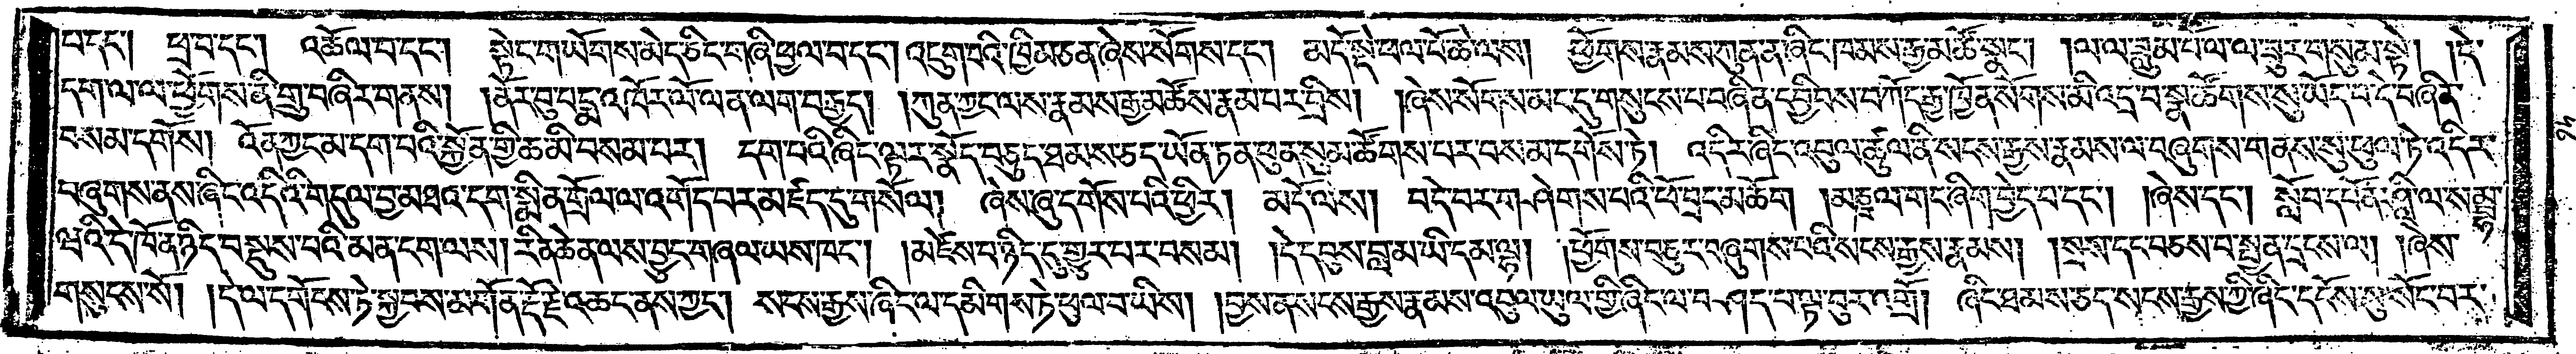བ་དང་། ཕྲ་བ་དང་། འཚོལ་བ་དང་། སྟེང་གཡོགས་མེད་ཅིང་གཞི་ཕྱལ་བ་དང་། འཇུག་བའི་ཁྱིམ་ཅན་ཞེས་སོགས་དང་། མདོ་སྡེ་ཕལ་པོ་ཆེ་ལས། ཕྱོགས་རྣམས་ཀུན་ན་ཞིང་ཁམས་རྒྱ་མཚོ་སྣང་། །ལ་ལ་ཟླུམ་པོ་ཡ་ལ་ཟུར་གསུམ་སྟེ། །དེ་
དག་ལ་ལ་ཕྱོགས་ནི་གྲུ་བཞིར་གནས། །ནོར་བུ་པདམ་འཁོར་ལོ་ལན་ལག་བརྒྱད། །ཀུན་ཀྱང་ལས་རྣམས་རྒྱ་མཚོས་རྣམ་བར་བྲིས། །ཞེས་སོགས་མང་དུ་གསུངས་པ་བཞིན་དབྱིབས་བཀོད་རྒྱ་ཁྱོན་སོགས་མི་འདྲ་བ་སྣ་ཚོགས་སུ་ཡོད་པ་དེ་བཞིན་
བསམ་དགོས། འོན་ཀྱང་མ་དག་པའི་སྐྱོན་གྱི་ཆ་མི་བསམ་བར། དག་པའི་ཞིང་ལྟར་སྣོད་བཅུད་ཐམས་ཅད་ཡོན་ཏན་ཕུན་སུམ་ཚོགས་པར་བསམ་དགོས་ཏེ། འདིར་ཞིང་འབུལ་ཚུལ་ནི་སངས་རྒྱས་རྣམས་ལ་བཞུགས་གནས་སུ་ཕུལ་ཏེ་འདིར་
བཞུགས་ནས་ཞིང་འདིའི་གདུལ་བྱ་མཐའ་དག་སྨིན་གྲོལ་ལ་འགོད་བར་མཛད་དུ་གསོལ། ཞེས་ཞུ་དགོས་པའི་ཕྱིར། མདོ་ལས། བདེ་བར་གཤེགས་པའི་ཕོ་བྲང་མཆོག །མཎྜལ་གང་ཞིག་བྱེད་པ་དང་། །ཞེས་དང་། སློབ་དཔོན་ཤཱི་ལ་སམྦྷ་
ཝའི་དེ་ཁོ་ན་ཉིད་བསྡུས་པའི་མན་ངག་ལས། རིན་ཆེན་ལས་བྱུང་གཞལ་ཡས་ཁང་། །མཛེས་བ་ཉིད་དུ་གྱུར་བར་བསམ། །དེ་དབུས་བླ་མ་ཡི་དམ་ལྷ། །ཕྱོགས་བཅུར་བཞུགས་པའི་སངས་རྒྱས་རྣམས། །སྲས་དང་བཅས་པ་སྤྱན་དྲངས་ལ། །ཞེས་
གསུངས་སོ། །དེ་ལ་དགོངས་ཏེ་སྐྱབས་མགོན་རྡོ་རྗེ་འཆང་ནས་ཀྱང་། སངས་རྒྱས་ཞིང་ལ་དམིགས་ཏེ་ཕུལ་བ་ཡིས། །བྱས་ན་སངས་རྒྱས་རྣམས་འབུལ་ཡུལ་གྱི་ཞིང་ལ་བཤད་པ་ལྟ་བུར་འགྲོ། ཞིང་ཐམས་ཅད་སངས་རྒྱས་ཀྱི་ཞིང་དངོས་སུ་སོང་བར་